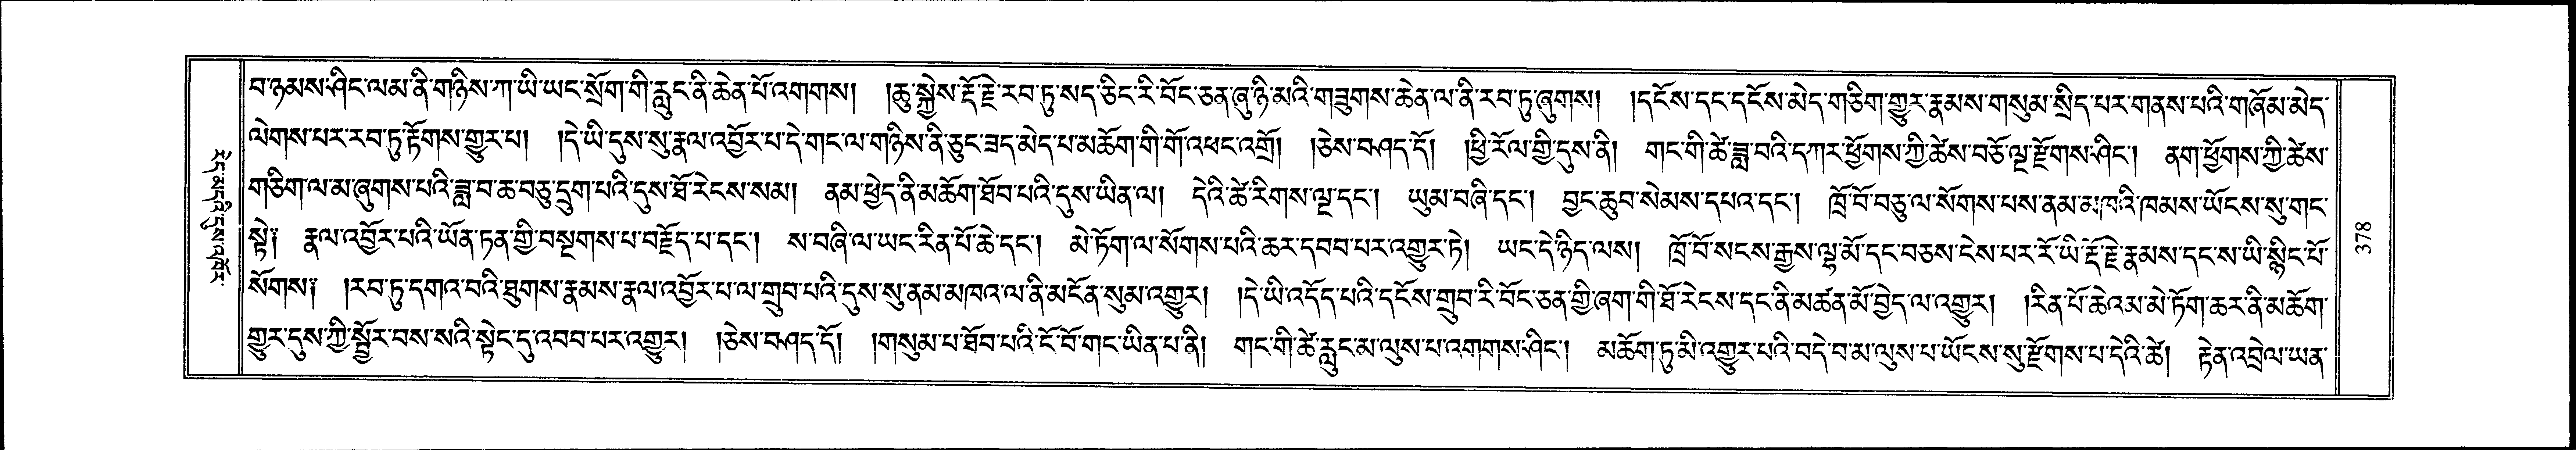བ་ཉམས་ཤིང་ལམ་ནི་གཉིས་ཀ་ཡི་ཡང་སྲོག་གི་རླུང་ནི་ཆེན་པོ་འགགས། །ཆུ་སྐྱེས་རྡོ་རྗེ་རབ་ཏུ་སད་ཅིང་རི་བོང་ཅན་དུ་ཞུ་ཉི་མའི་གཟུགས་ཆེན་ལ་ནི་རབ་ཏུ་ཞུགས། །དངོས་དང་དངོས་མེད་གཅིག་གྱུར་རྣམས་གསུམ་སྲིད་པར་གནས་པའི་གཞོམ་མེད་
ལེགས་པར་རབ་ཏུ་རྟོགས་གྱུར་པ། །དེ་ཡི་དུས་སུ་རྣལ་འབྱོར་པ་དེ་གང་ལ་གཉིས་ནི་ཅུང་ཟད་མེད་པ་མཆོག་གི་གོ་འཕང་འགྲོ། །ཅེས་བཤད་དོ། །ཕྱི་རོལ་གྱི་དུས་ནི། གང་གི་ཚེ་ཟླ་བའི་དཀར་ཕྱོགས་ཀྱི་ཚེས་བཅོ་ལྔ་རྫོགས་ཤིང་། ནག་ཕྱོགས་ཀྱི་ཚེས་
གཅིག་ལ་མ་ཞུགས་པའི་ཟླ་བ་ཆ་བཅུ་དྲུག་པའི་དུས་ཐོ་རེངས་སམ། ནམ་ཕྱེད་ནི་མཆོག་ཐོབ་པའི་དུས་ཡིན་ལ། དེའི་ཚེ་རིགས་ལྔ་དང་། ཡུམ་བཞི་དང་། བྱང་ཆུབ་སེམས་དཔའ་དང་། ཁྲོ་བོ་བཅུ་ལ་སོགས་པས་ནམ་མཁའི་ཁམས་ཡོངས་སུ་གང་
སྟེ། རྣལ་འབྱོར་པའི་ཡོན་ཏན་གྱི་བསྔགས་པ་བརྗོད་པ་དང་། ས་བཞི་ལ་ཡང་རིན་པོ་ཆེ་དང་། མེ་ཏོག་ལ་སོགས་པའི་ཆར་དབབ་པར་འགྱུར་ཏེ། ཡང་དེ་ཉིད་ལས། ཁྲོ་བོ་སངས་རྒྱས་ལྷ་མོ་དང་བཅས་ངེས་པར་རོ་ཡི་རྡོ་རྗེ་རྣམས་དང་ས་ཡི་སྙིང་པོ་
སོགས། །རབ་ཏུ་དགའ་བའི་ཐུགས་རྣམས་རྣལ་འབྱོར་པ་ལ་གྲུབ་པའི་དུས་སུ་ནམ་མཁའ་ལ་ནི་མངོན་སུམ་འགྱུར། །དེ་ཡི་འདོད་པའི་དངོས་གྲུབ་རི་བོང་ཅན་གྱི་ཞག་གི་ཐོ་རེངས་དང་ནི་མཚན་མོ་བྱེད་ལ་འགྱུར། །རིན་པོ་ཆེའམ་མེ་ཏོག་ཆར་ནི་མཆོག་
གྱུར་དུས་ཀྱི་སྦྱོར་བས་སའི་སྟེང་དུ་འབབ་པར་འགྱུར། །ཅེས་བཤད་དོ། །གསུམ་པ་ཐོབ་པའི་ངོ་བོ་གང་ཡིན་པ་ནི། །གང་གི་ཚེ་རླུང་མ་ལུས་པ་འགགས་ཤིང་། མཆོག་ཏུ་མི་འགྱུར་པའི་བདེ་བ་མ་ལུས་པ་ཡོངས་སུ་རྫོགས་པ་དེའི་ཚེ། རྟེན་འབྲེལ་ཡན་